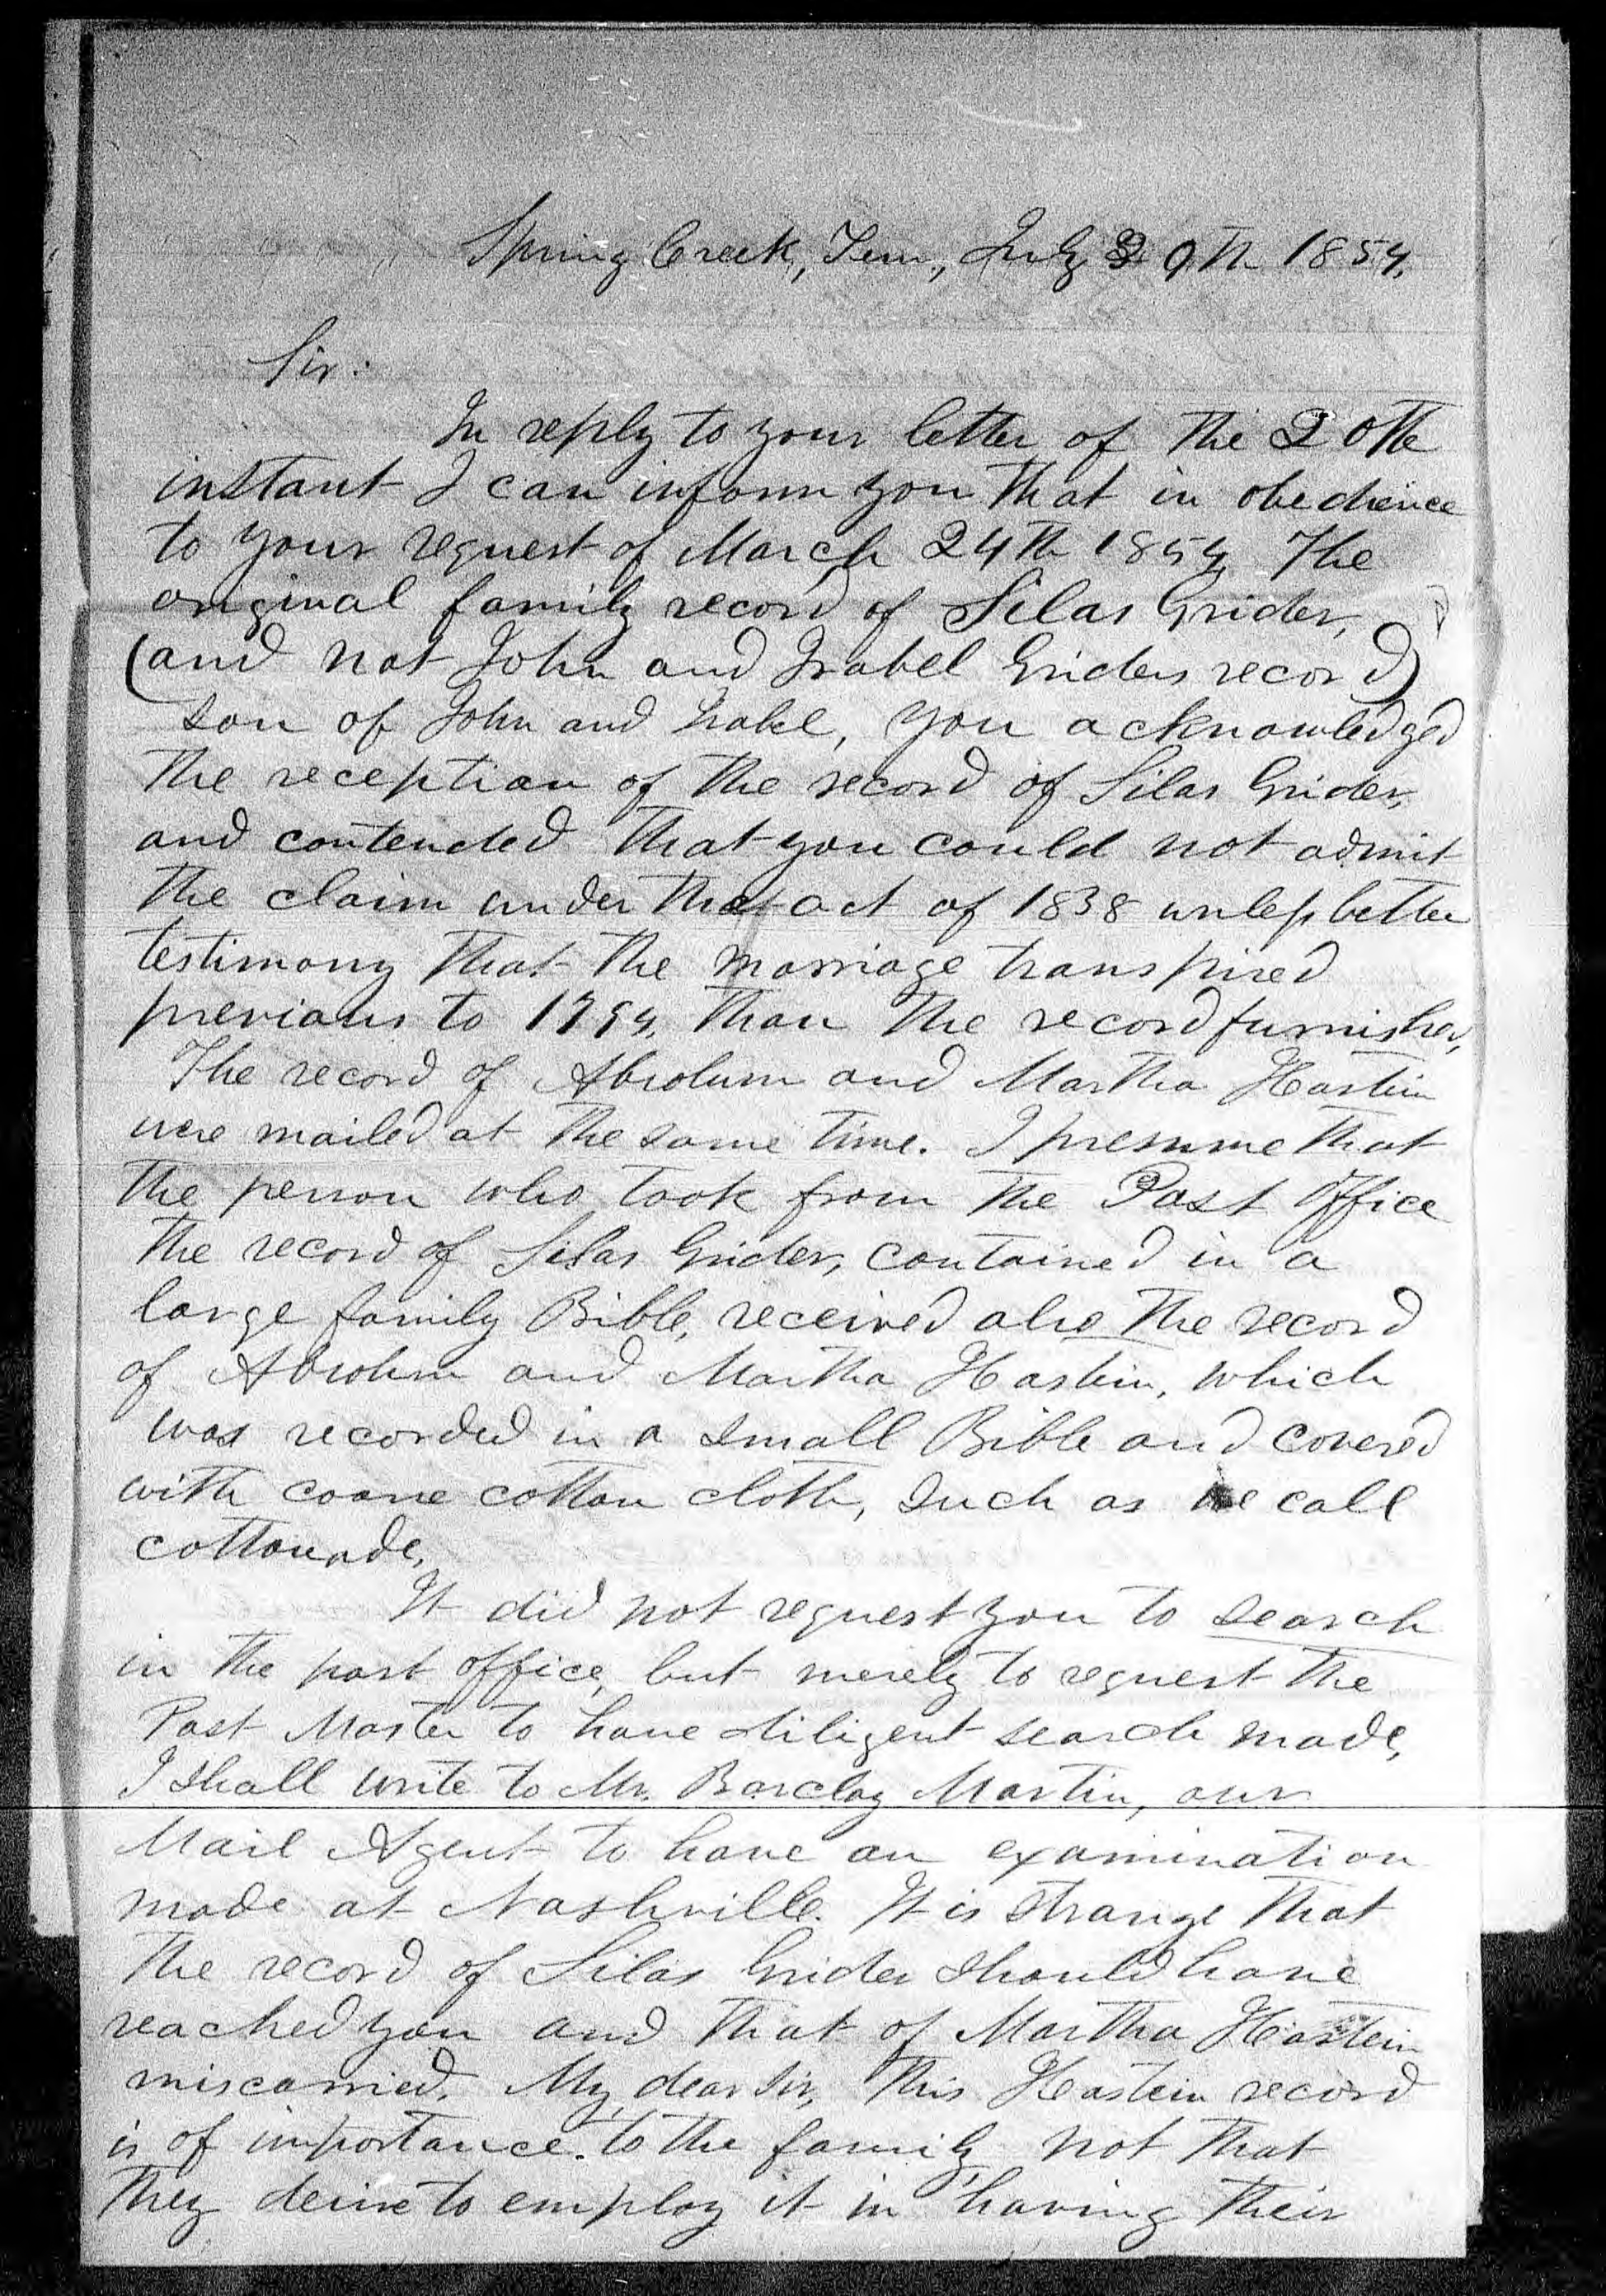Spring Creek Tenn, July 29th 1854

Sir:

     In reply to your letter ofthe 20th instant I can inform you that in obedience to your request of March 24th 1854. The original family record of Silas Grider, (and not John and Isabel Griders record) son of John and Isabel, you acknowledged the reception of the record of Silas Grider, and contended that you could not admit the claim under the Act of 1838 unless better testimony that the marriage transpired previous to 1794, than the record furnished. The record of Absolum and Martha Hastein was mailed at the same time. I presume that the person who took from the post office the record of Silas Grider, contained in a large family Bible, received also the record of Absolum and Martha Hastein, which was recorded in a small Bible and covered with coarse cotton cloth, such as we call cottonade.
     It did not request you to search in the post office , but merely to request the Post master to have diligent search made, I shall write to Mr. Barclay Martin, our mail Agent to have an examination made at Nashville. It is strange that the record of Silas Grider should have reached you and that of Martha Hastein miscarried. My dear Sir, this Hastein record if of importance to the family, not that the desire to employ it in having their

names: Martha Hastein, Martha Hastein, John, Isabel Griders, Silas Grider, Barclay Martin, Absolum Hastein, Silas Grider, Silas Grider, Absolum Hastein, Martha Hastein, Silas Grider, Isabel, John Grider, Hastein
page: 62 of 91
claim: widow's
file: W 358, John Grider, N.C.